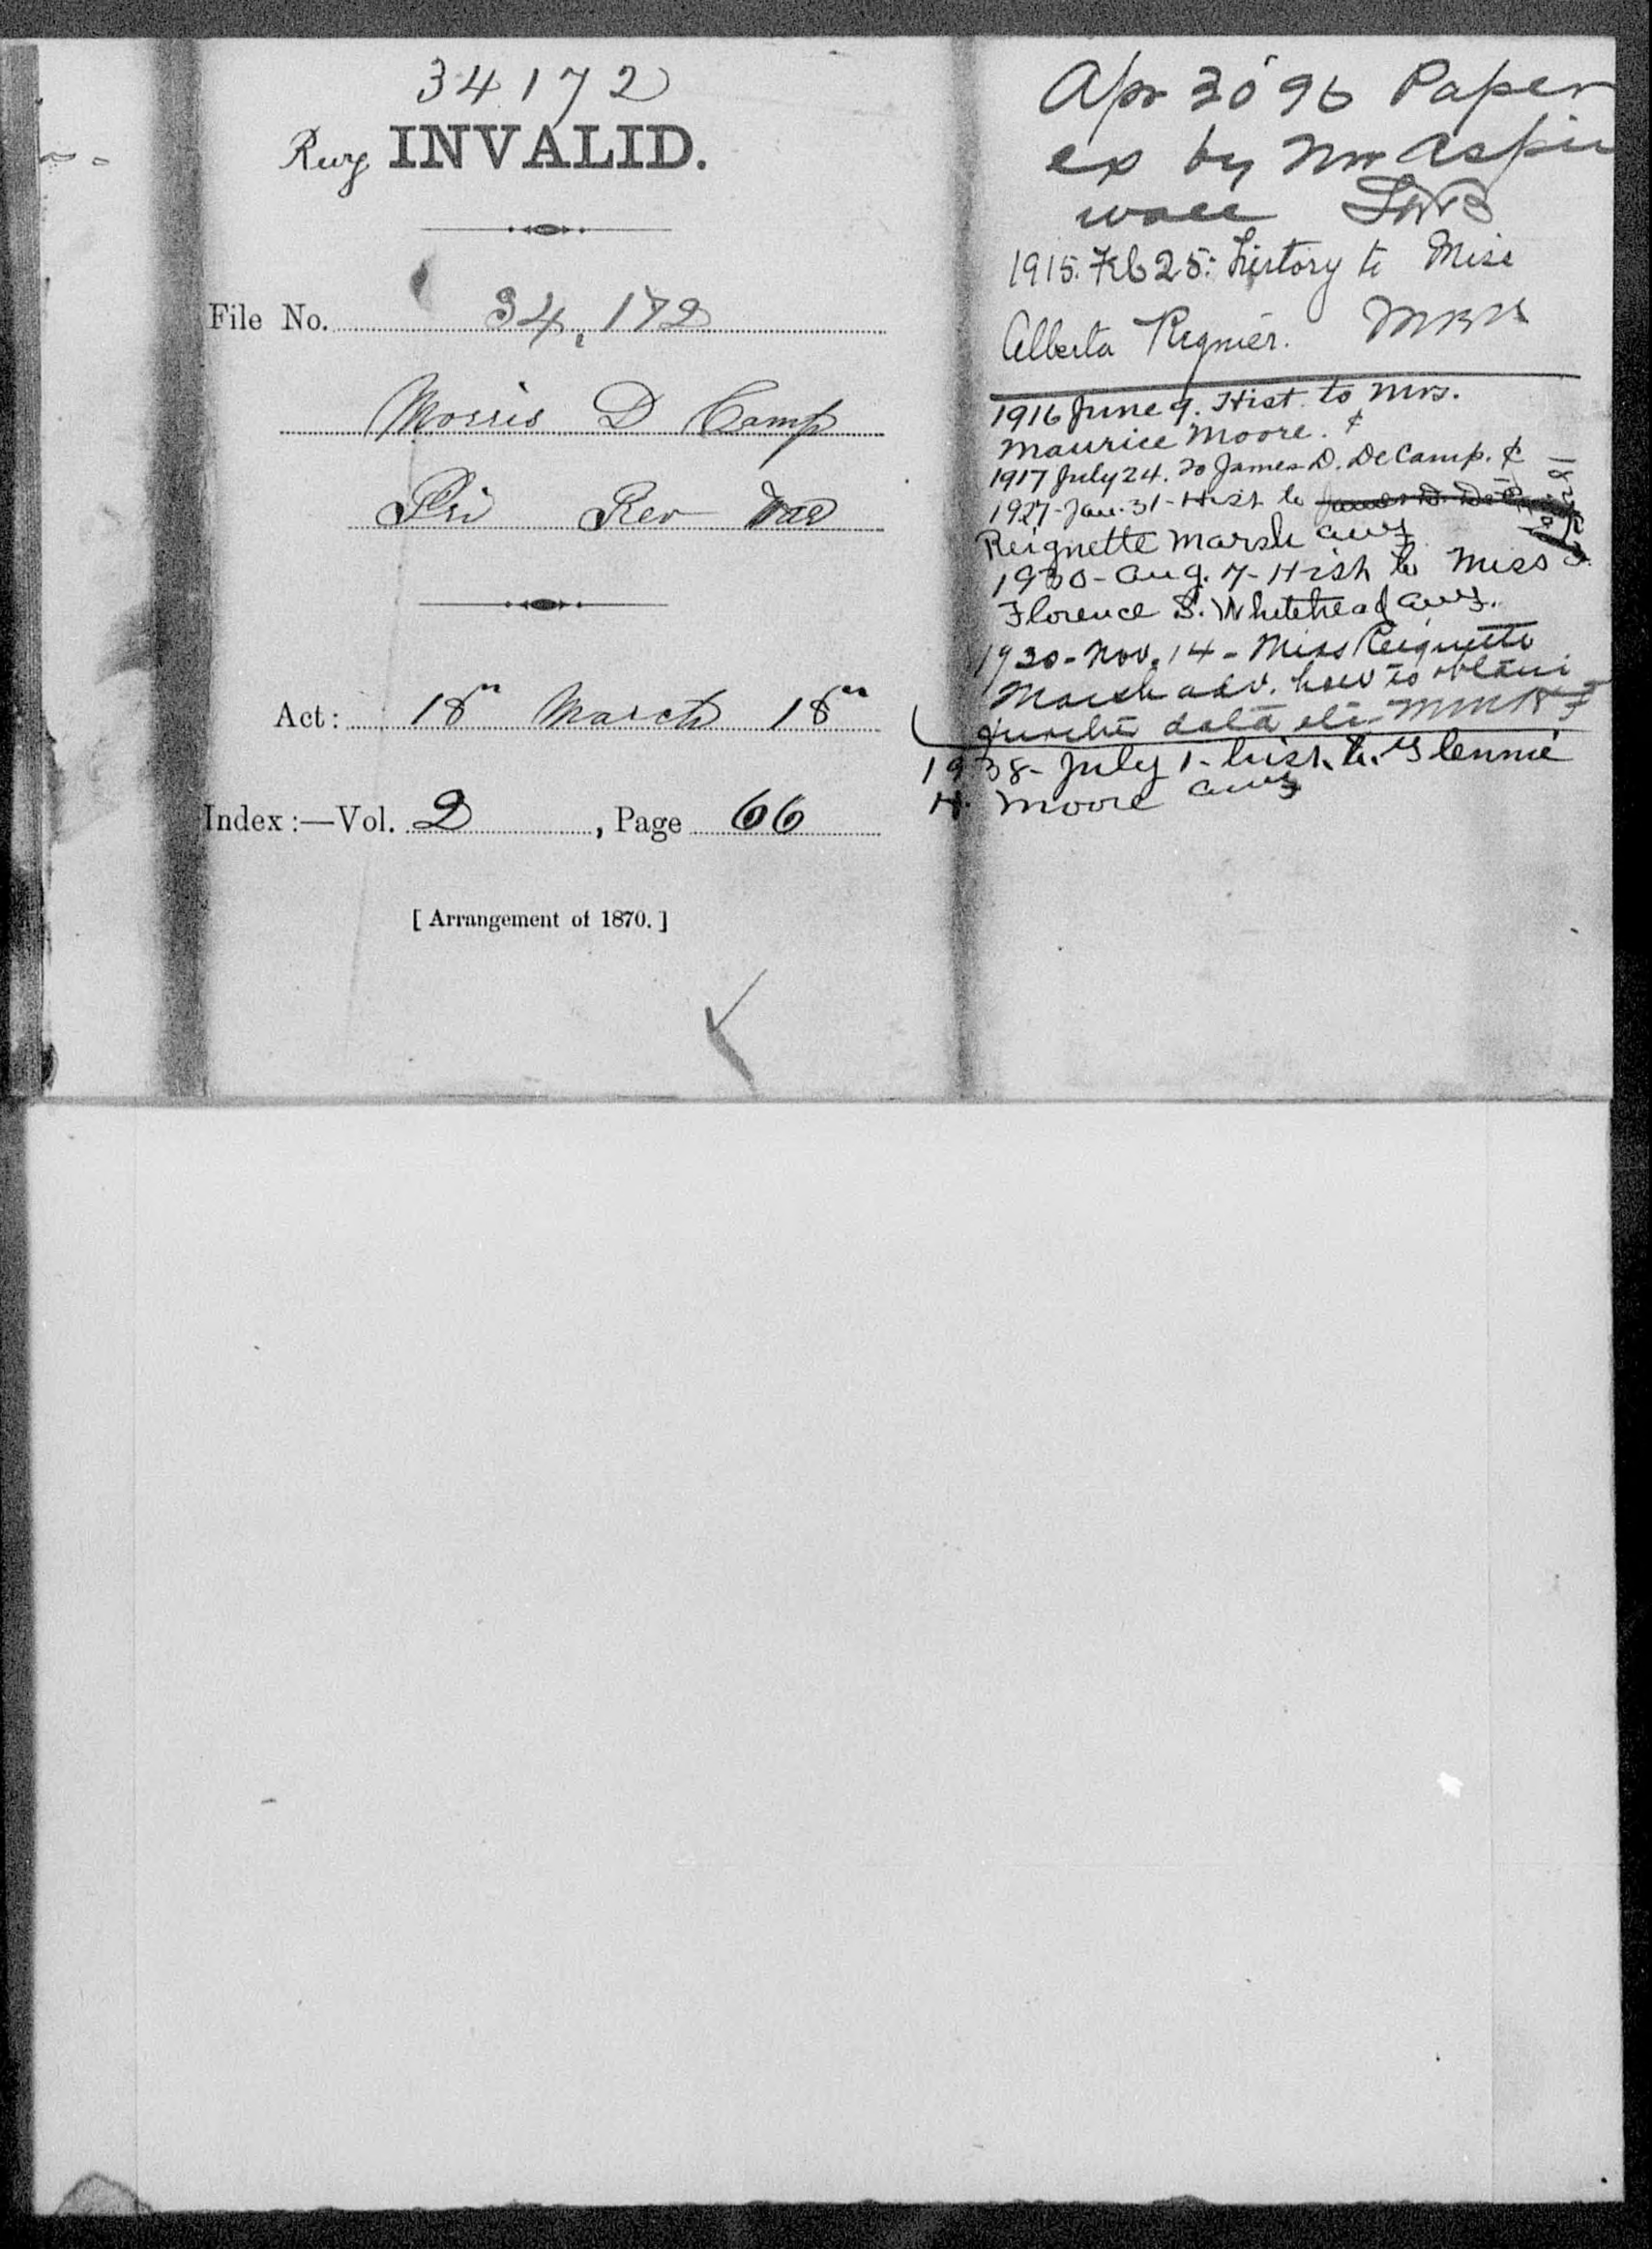34172 Revy INVALID.
File No 34,179 
Morris D Camp
Priv Rev War
Act: 18 March 18"
Index: - Vol. 2, Page 66
[Arrangement of 1870]

[right side]
Apr 30 '96 paper ex by Mr Aspinwall [illeg]
1915 Feb 25: history to Miss Alberta Regnier [illeg]
_____________________
1916 June 9 Hist. to Mrs. Maurice Moore
1917 July 24 to James D. DeCamp
1927 Jan. 31 Hist to Reignette Marsh 
1930 - Aug 7 - Hist to Miss Florence S. Whitehead
1930 Nov. 14 Miss Reignette Marsh adv. how to obtain further data etc.
_________________________________
1938 - July 1 hist. to Glennie H Moore awy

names: Glennie H Moore, Maurice Moore, Reignette Marsh, Morris D Camp, Reignette Marsh, Alberta Regnier, Aspie, James D De Camp, Florence S Whitehead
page: 21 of 52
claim: survivor's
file: S. 34172, Morris D Camp, Continental (New Jersey)